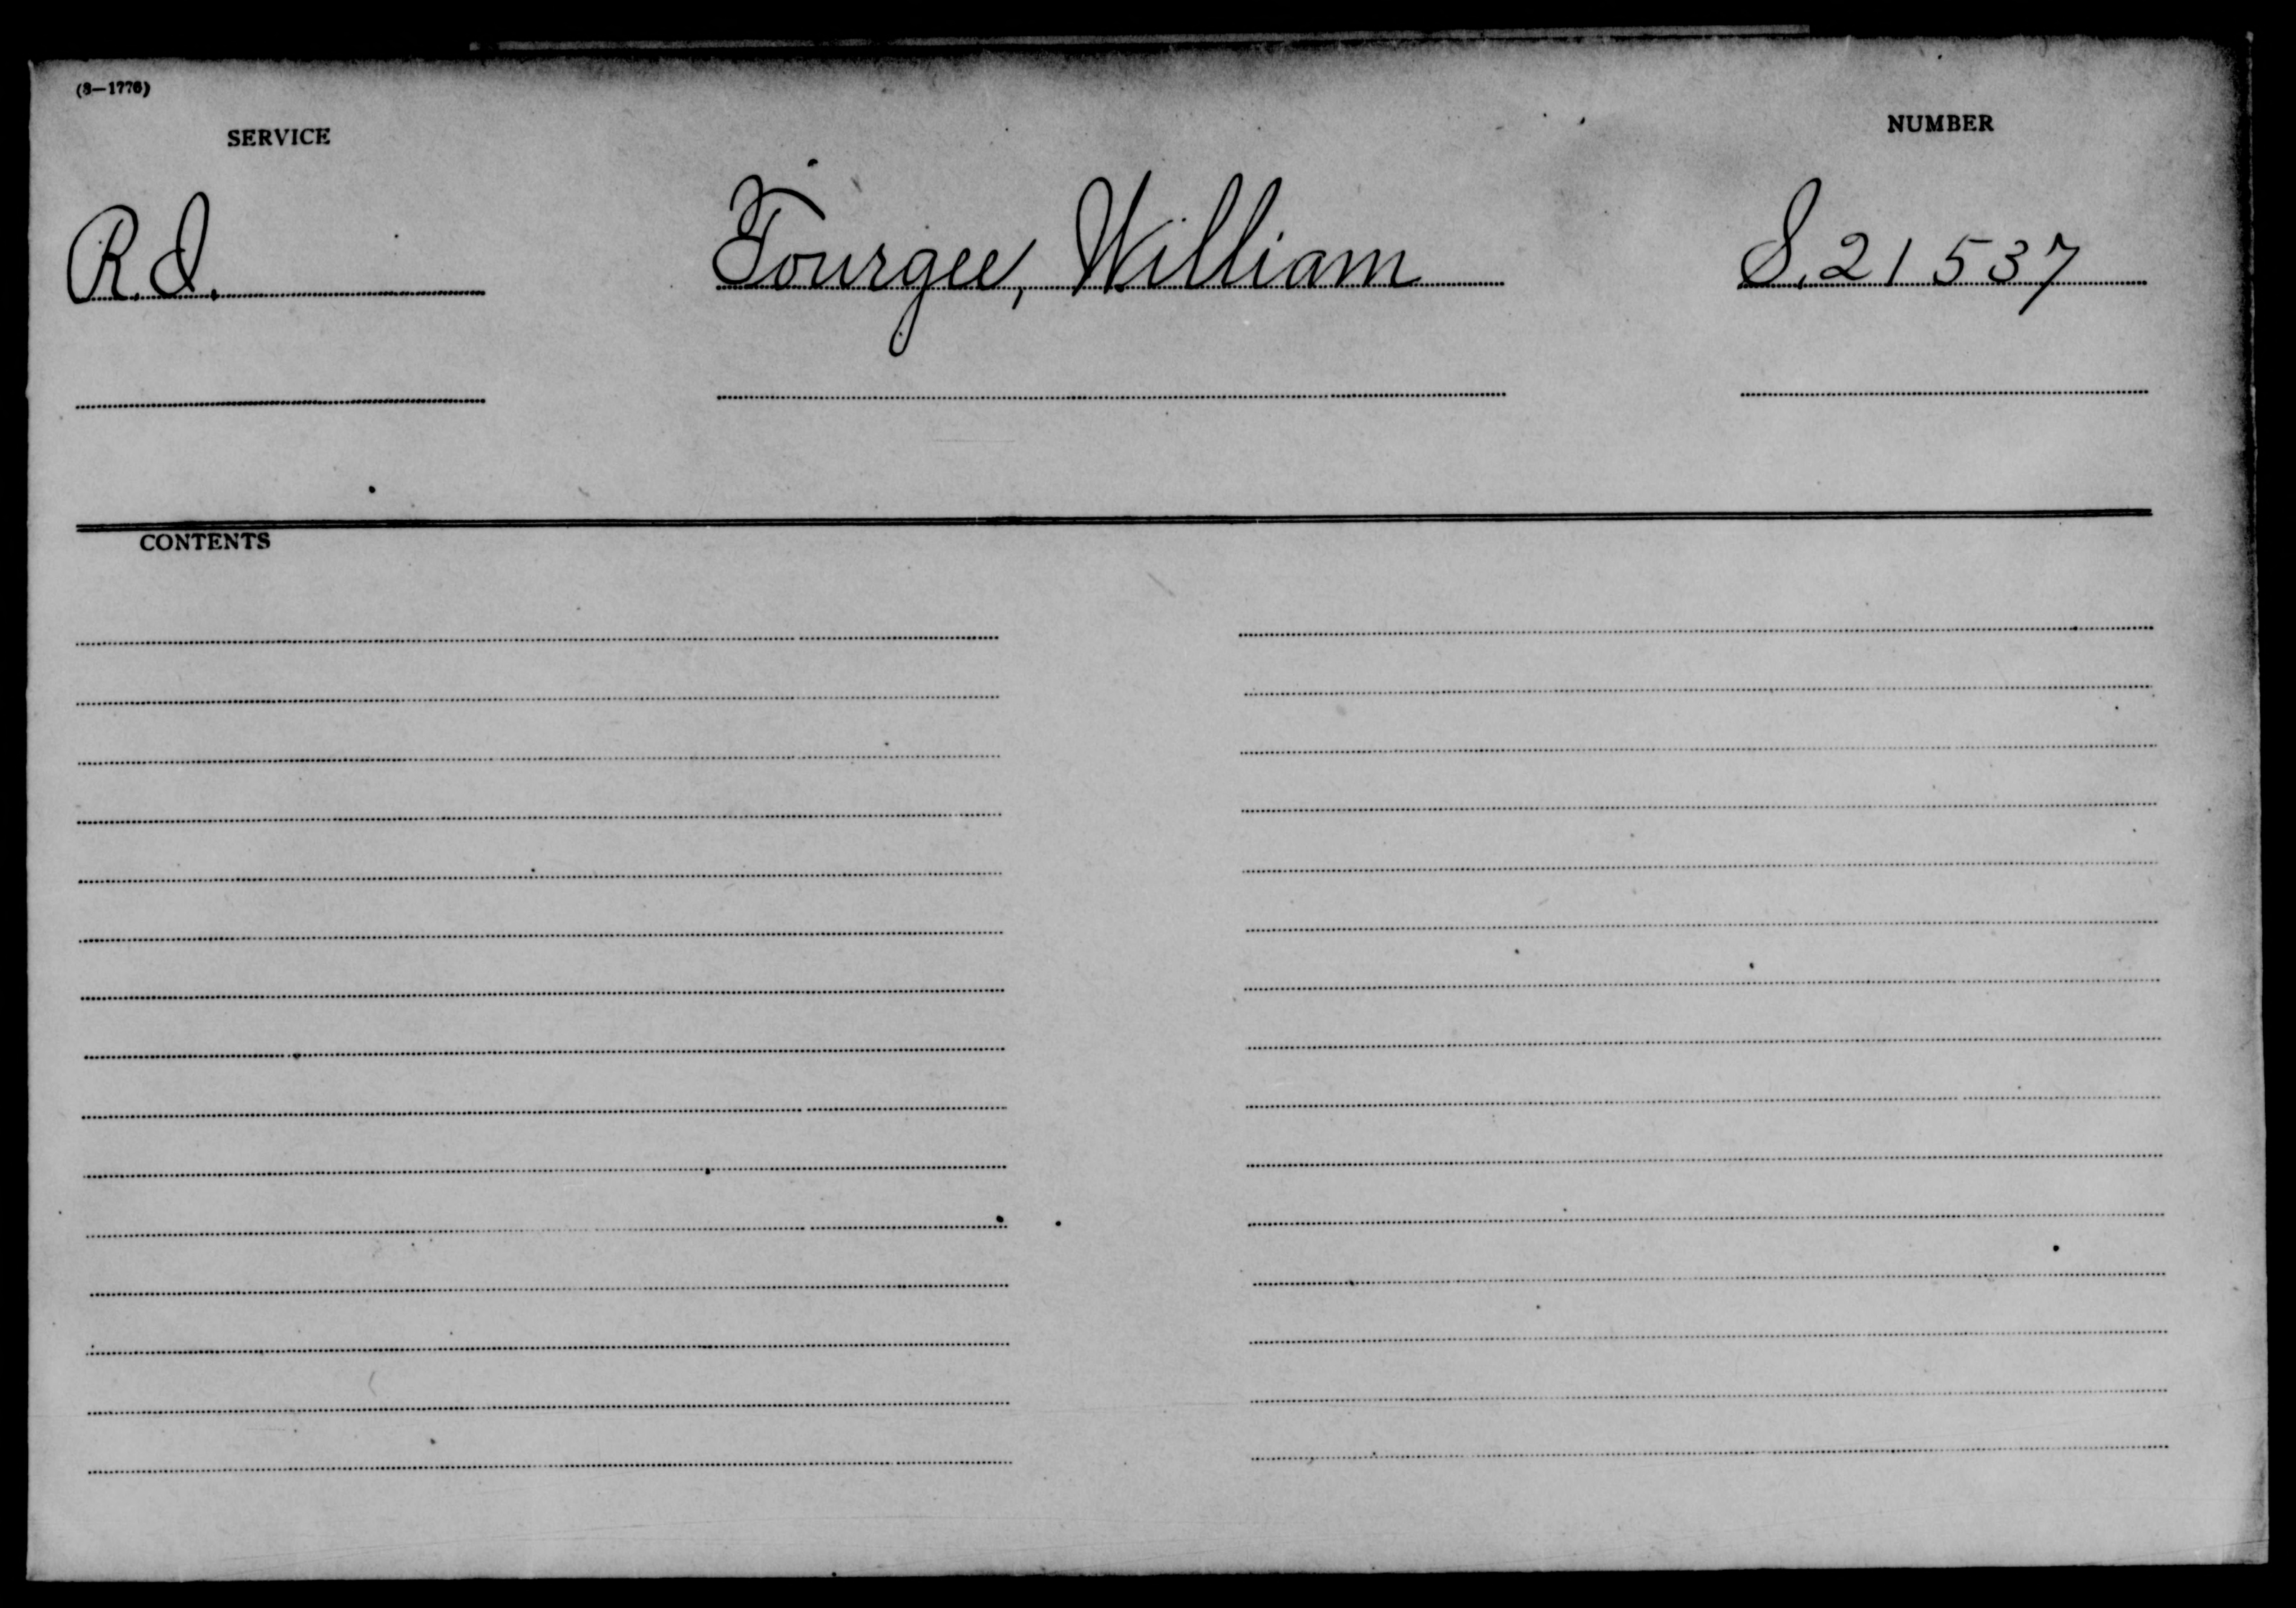(3 - 1776)
SERVICE NUMBER
R I. Tourgee, William S.21537
CONTENTS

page: 1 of 21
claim: survivor's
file: S. 21537, William Tourgee, R.I.